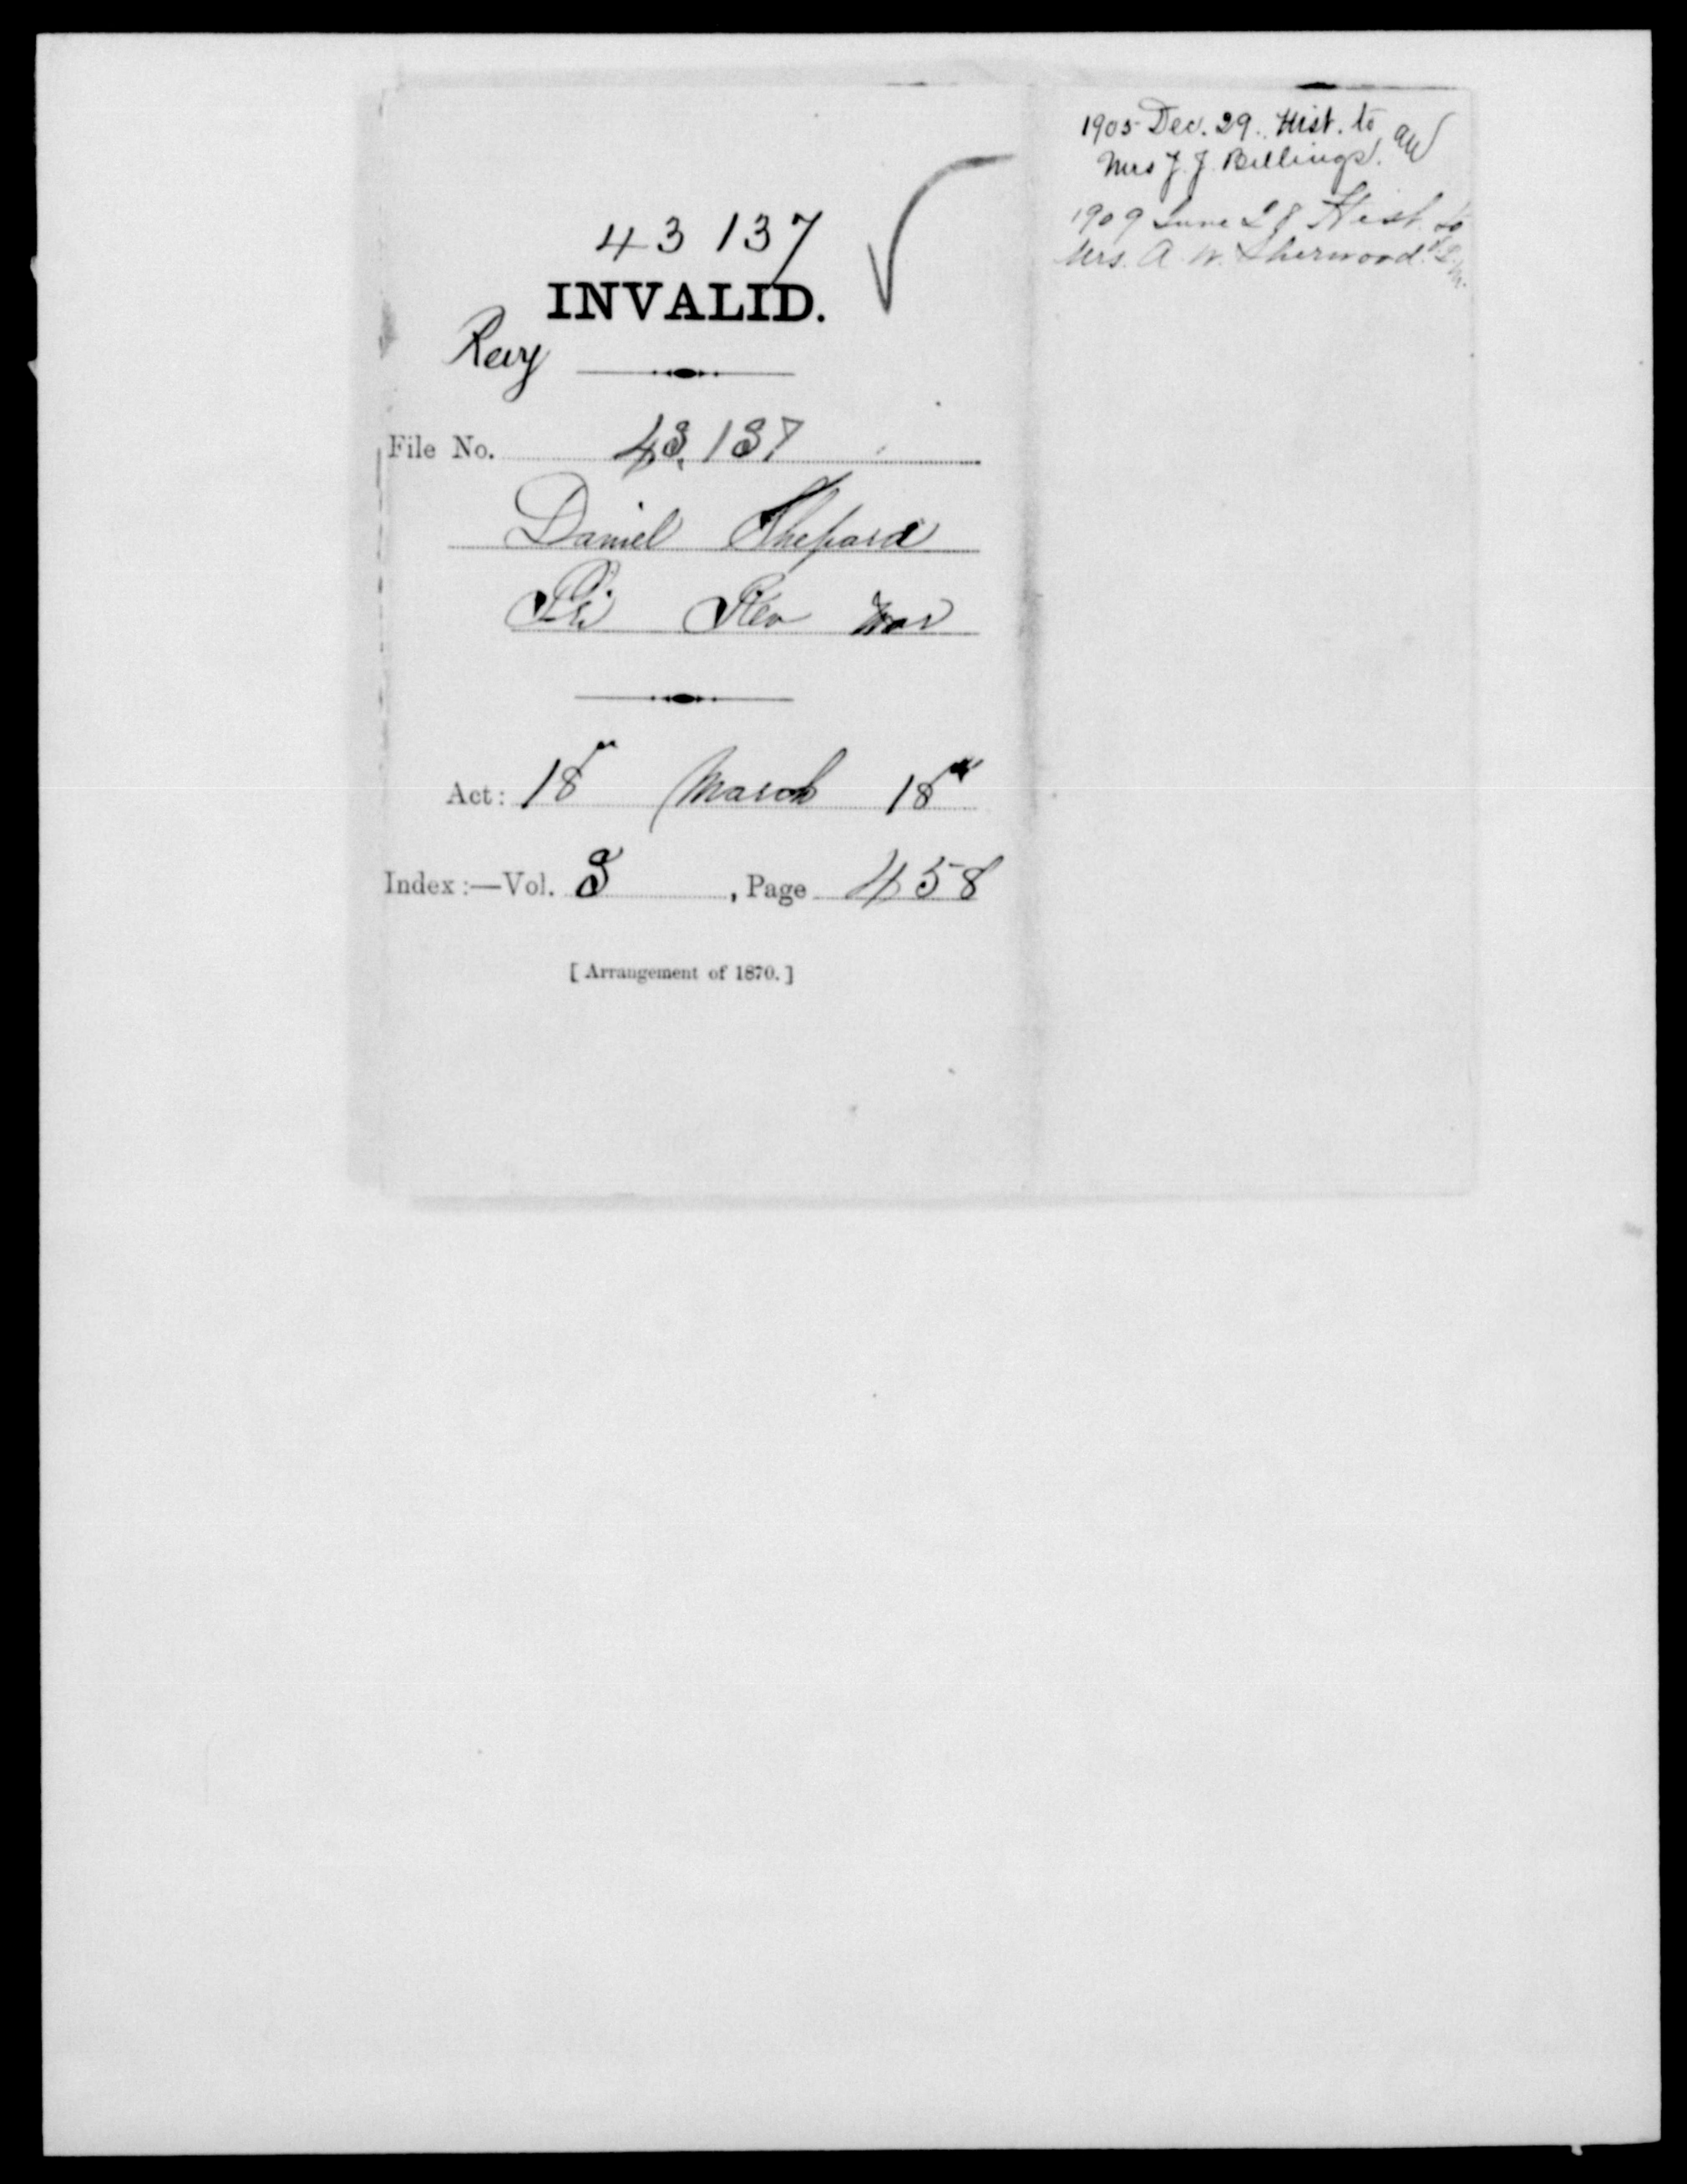43137
INVALID.
Revy
---
File No.
43137
Daniel Shepard
Pri Rev War
-
Act: 18 March 18
Index: -- Vol. 3 , Page 458
[Arrangement of 1870.]

1903 Dec. 29. Hist. to
Mrs J.G. Billings aw
1909 June 28 Hist to
Mrs. A. W. Sherwood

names: A W Sherwood; J J Billings; Daniel Shepard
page: 12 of 25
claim: survivor's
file: S. 43137, for Daniel Shepard, New Hampshire